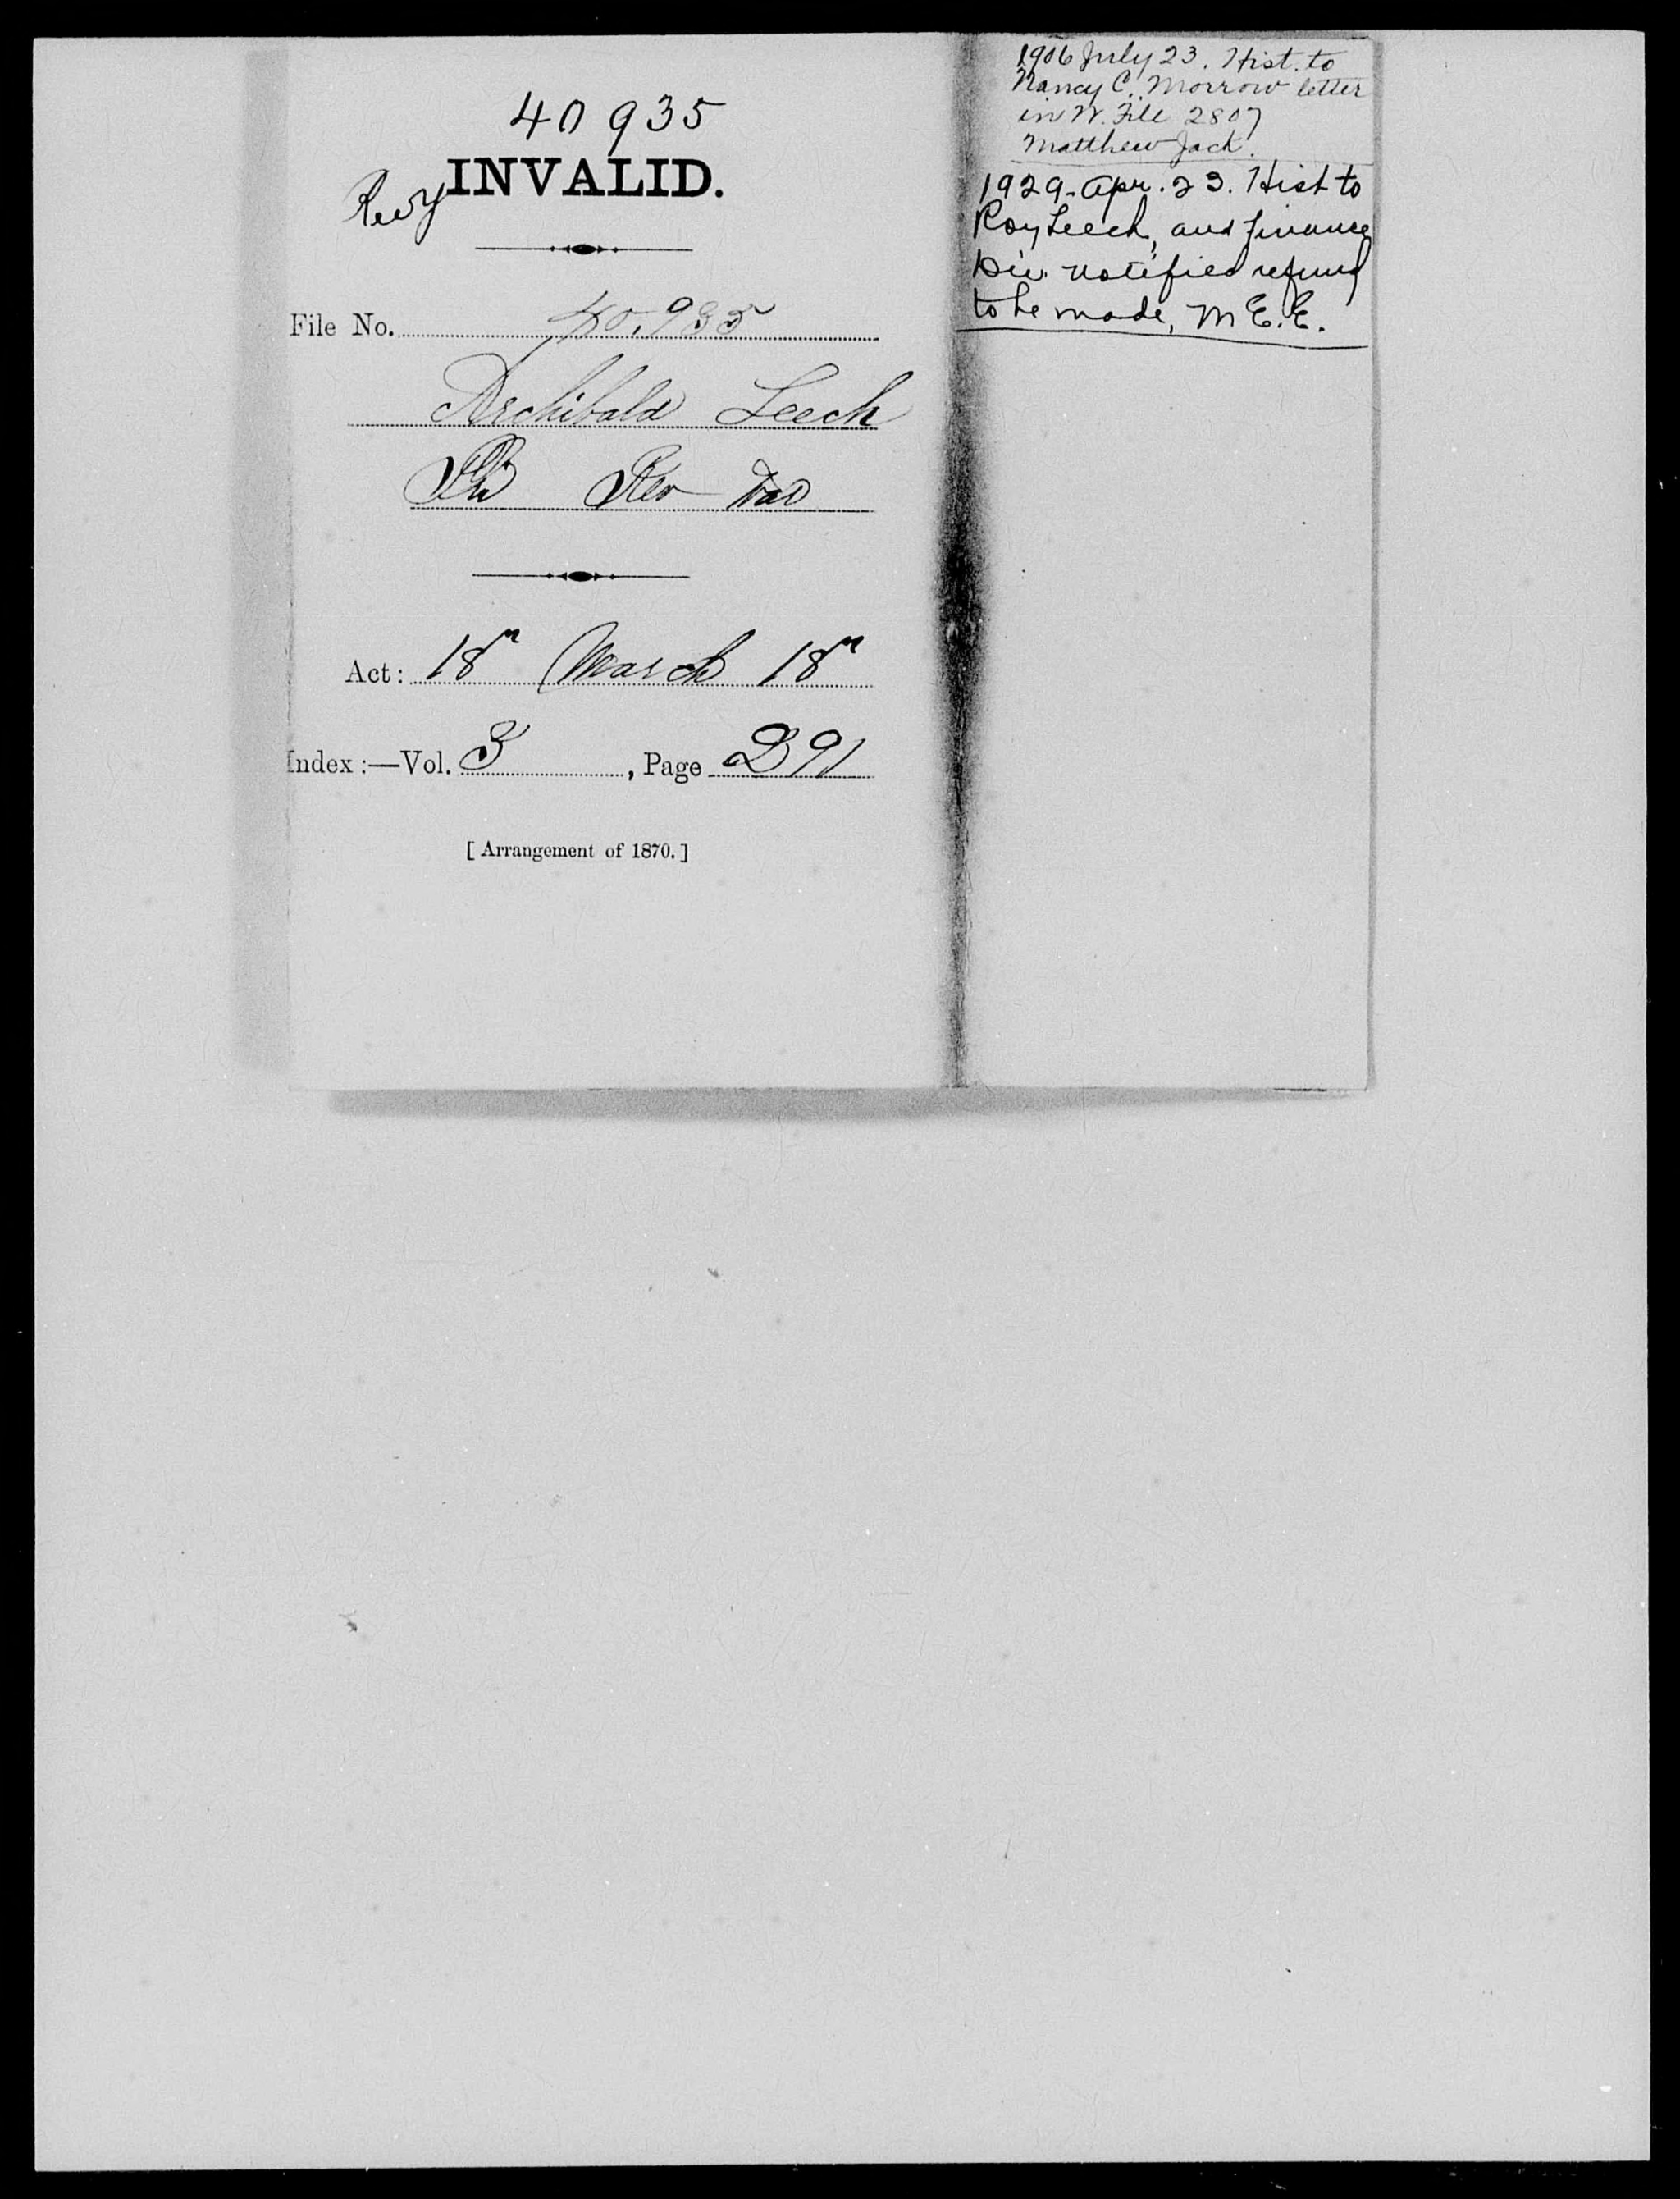40935
Revy. INVALID.
File No. 40.935
Archibald Leech
Private, Revolutionary War
Act: 18 March 1818
Index: Vol. S, Page 291
[Arrangement of 1870.]
1906 July 23. Hist. to Nancy C. Morrow letter in W. Full 2807
Matthew Jack
1929. Apr. 23. Hist to Roy Leech and finance Div. notified refund to be made, M.E.E.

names: Nancy C Morrow; Roy Leech; Matthew Jack; Archibald Leech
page: 15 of 20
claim: survivor's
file: S. 40,935, for Archibald Leech, Pennsylvania